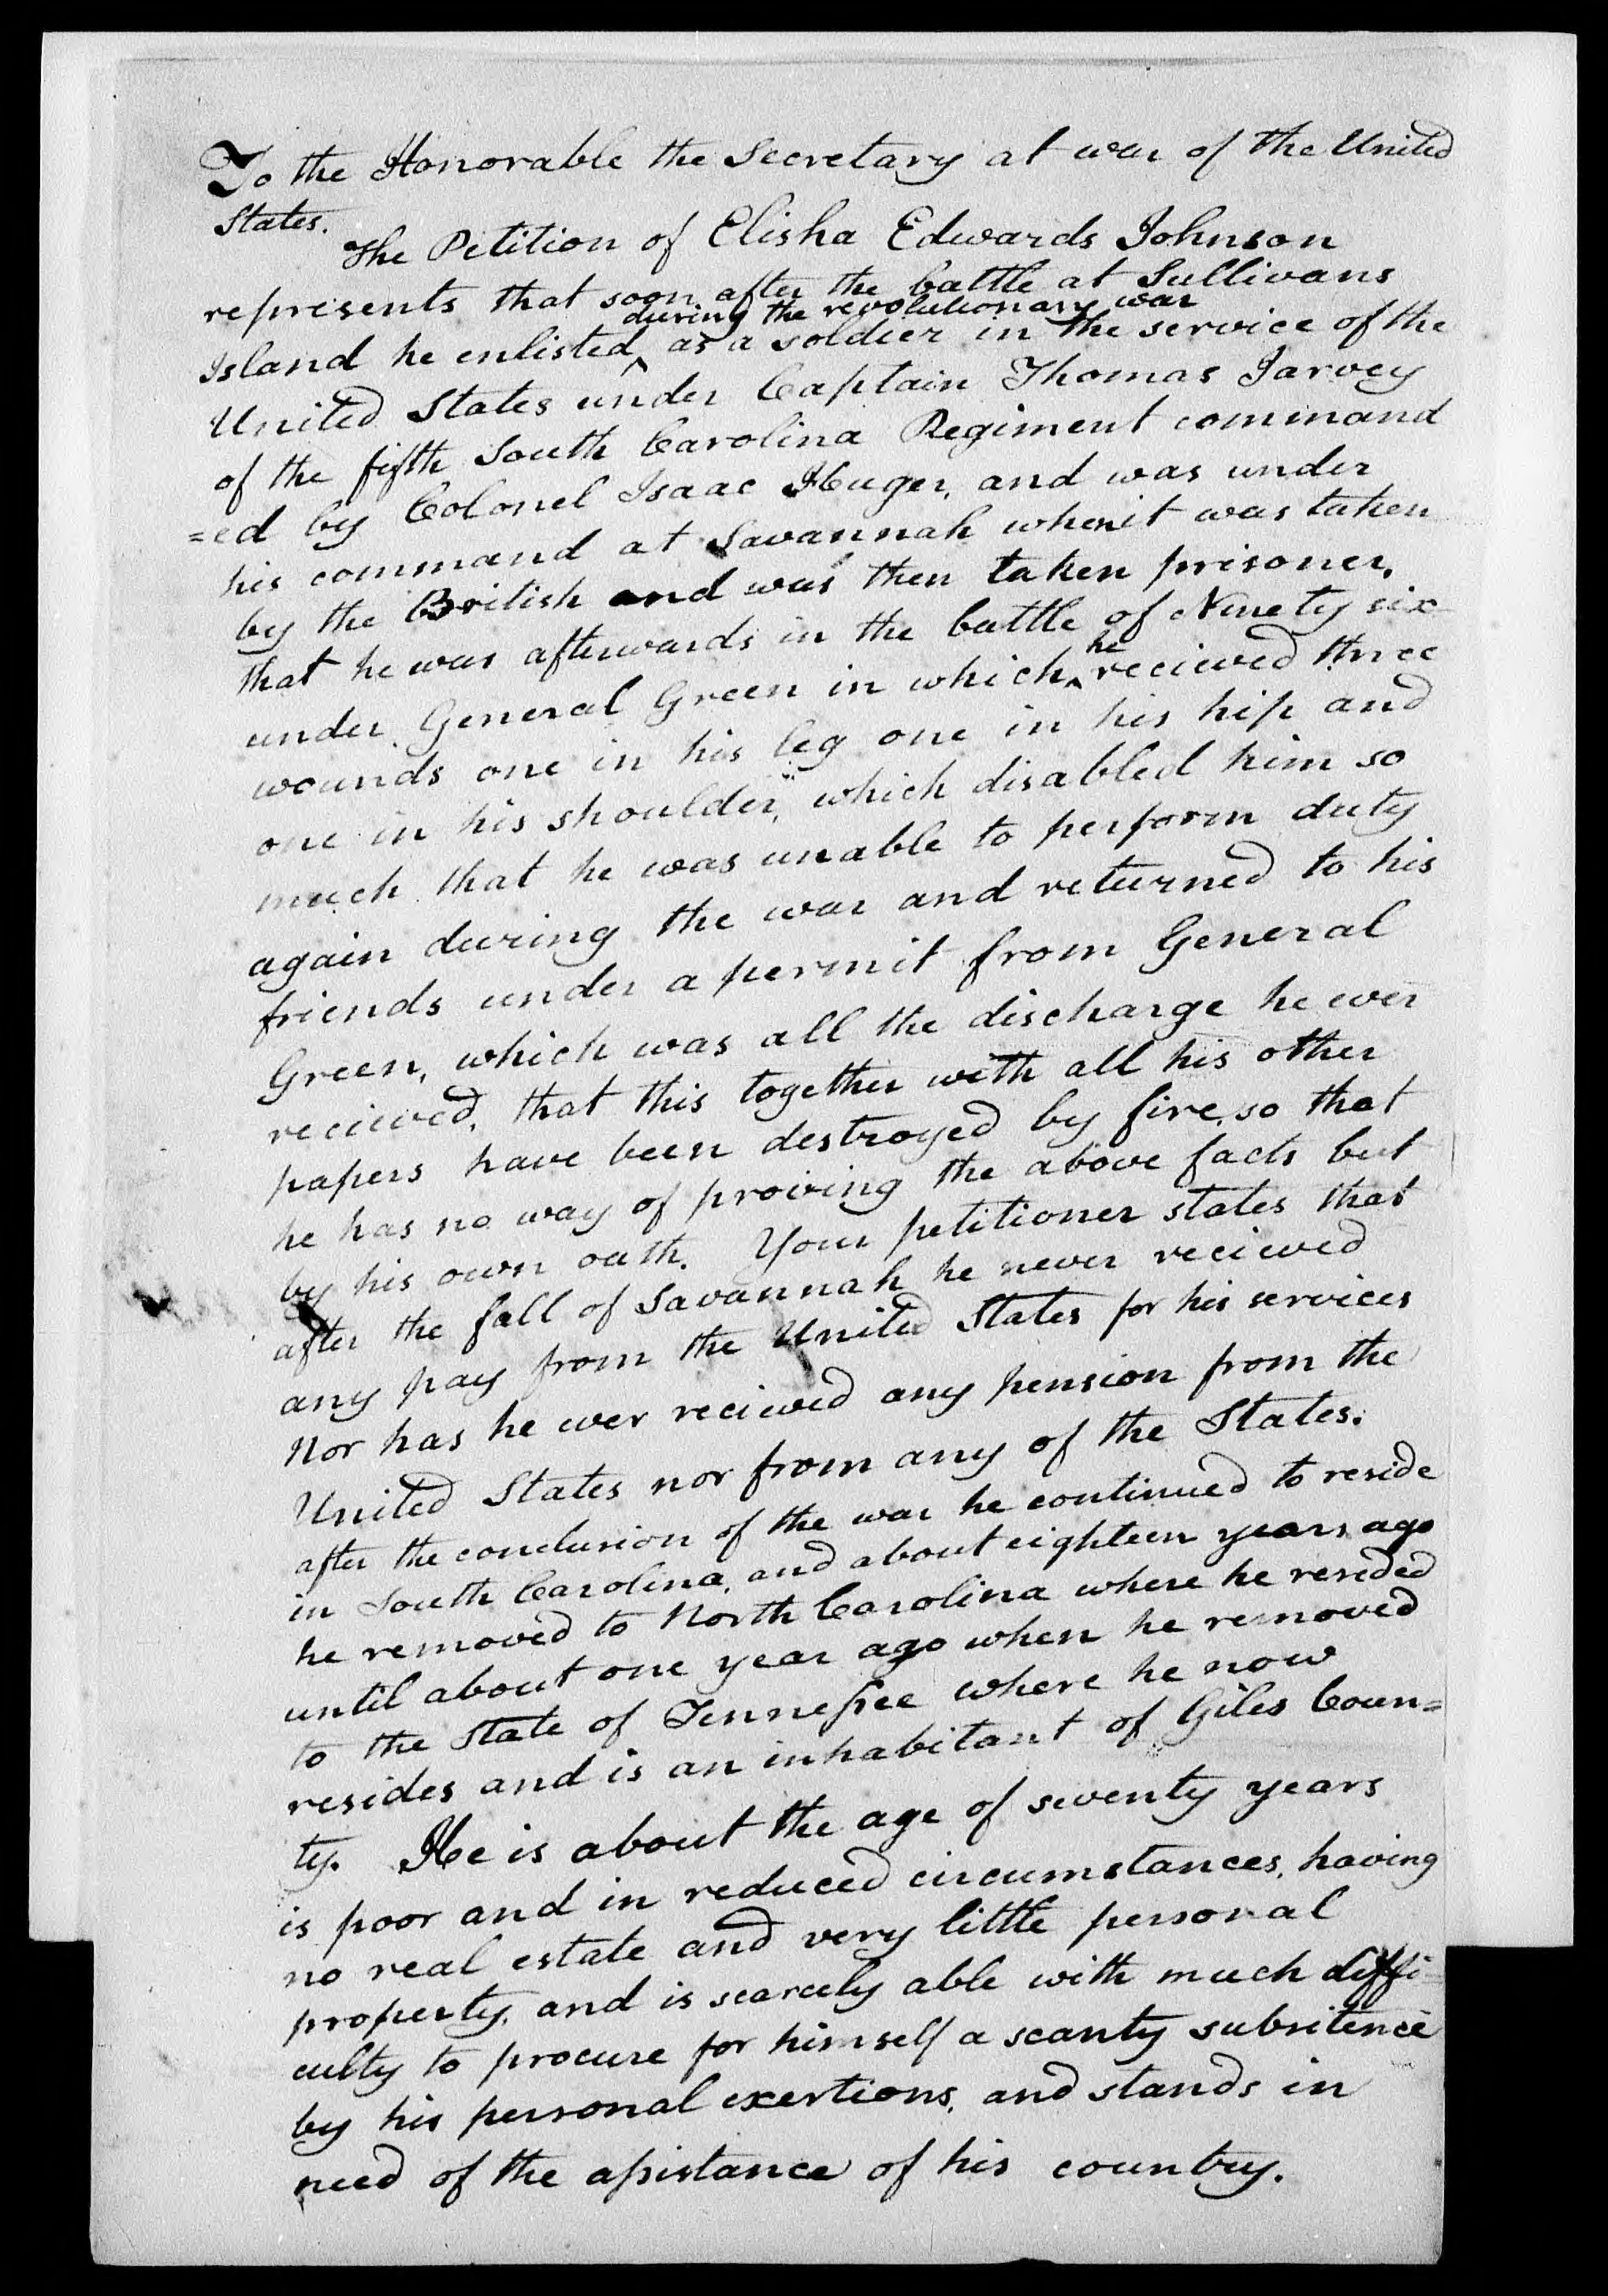To the Honorable the Secretary at war of the United States.
The Petition of Elisha Edwards Johnson represents that soon after the battle at Sullivans Island he enlisted during the revolutionary war as a soldier in the service of the United States under Captain Thomas Jarvey [Jervey] of the fifth South Carolina Regiment commanded by Colonel Isaac Huger, and was under his command at Savannah when it was taken by the British and was then taken prisoner, that he was afterwards in the battle of Ninety six under General Green [Nathanael Greene] in which  he received three wounds one in his leg one in his hip and one in his shoulder, which disabled him so much that he was unable to perform duty again during the war and returned to his friends under a permit from General Greene, which was all the discharge he ever received, that this together with all his other papers have been destroyed by fire, so that he has no way of proving the above facts but by his own oath.  Your petitioner states that after the fall of Savannah he never received any pay from the United States for his services nor has he ever received any pension from the United States nor from any of the States, after the conclusion of the war he continued to reside in South Carolina, and about eighteen years ago he removed to North Carolina where he resided until about one year ago when he removed to the state of Tennessee where he now resides and is an inhabitant of Giles County.  He is about the age of seventy years is poor and in reduced circumstances, having no real estate and very little personal property, and is scarcely able with much difficulty to procure for himself a scanty subsistence by his personal exertions, and stands in need of the assistance of his country.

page: 3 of 9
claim: survivor's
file: S. 38885, for Elisha Edwards Johnson, South Carolina